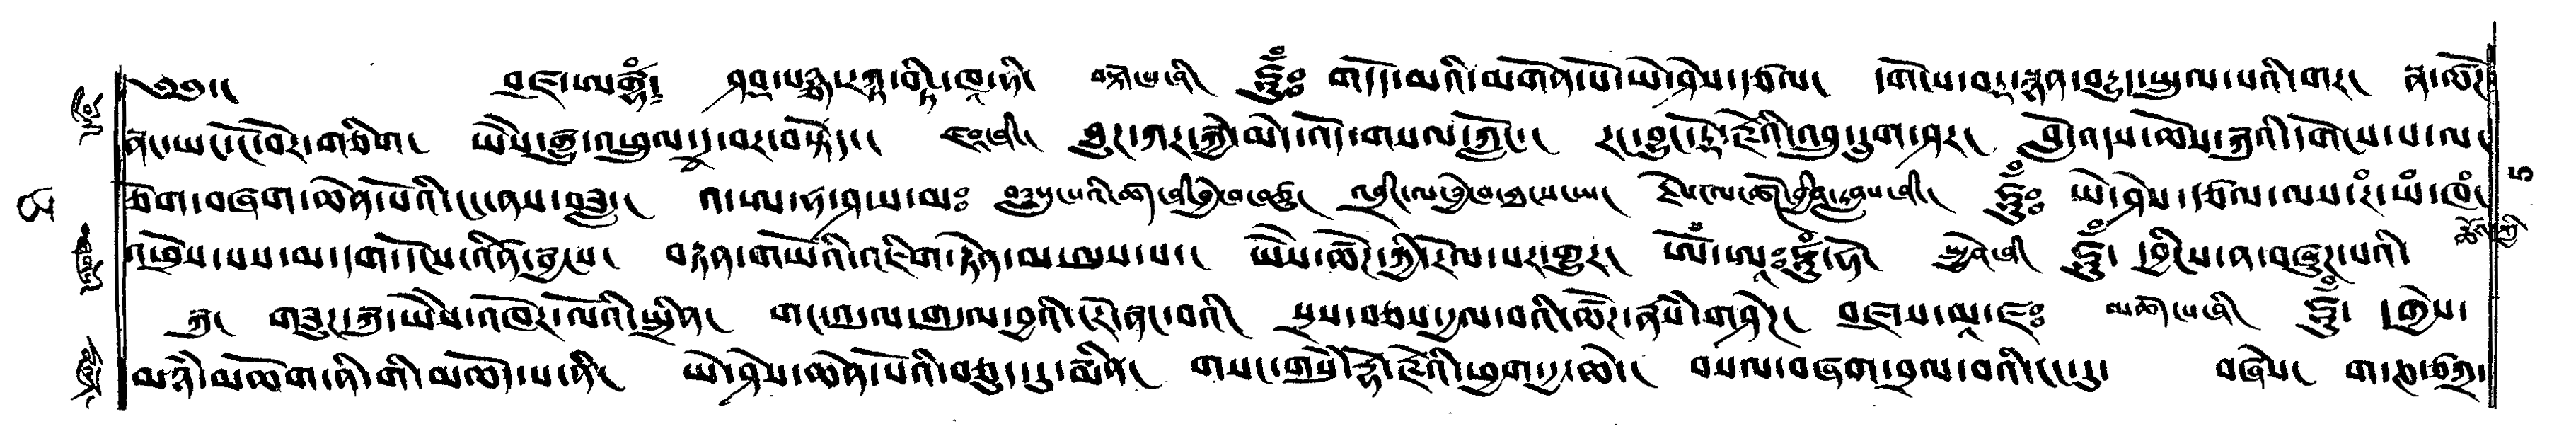བཛྲ་ཨརྒྷཾ༴ ཤབྡ་པཉྩ་རཀྟ་བྷ་ལིཾ་ཏ་ཁཱ་ཧིཿ བསྟོད་པ་ནི། ཧཱུྃ། གདོད་མའི་མགོན་པོའི་ཡེ་ཤེས་རྩལ། །དགོངས་བརྡ་སྙན་བརྒྱུད་སྤྲུལ་བའི་གར། །སྣ་ཚོགས་
སྣང་ཡང་ངོ་བོར་གཅིག ཡེ་ཤེས་སྒྱུ་འཕྲུལ་དྲྭ་བར་བསྟོད། ཛཔྲ་ནི། ཐུགས་ཀར་སྐྱེ་མེད་འོད་གསལ་ཀློང་། །རང་བྱུང་རྡོ་རྗེའི་འབྲུ་དྲུག་ཤར། །བློ་འདས་ཆོས་སྐུའི་དགོངས་པ་ལ། །
ཅོག་བཞག་ཆེན་པོའི་ངང་ནས་བཟླ། འ་ཨ་ཧ་ཤ་ས་མཿ བཟླས་པའི་ཚད་ནི་བྱེ་བ་བཅུ། འབྲིང་ལ་བྱེ་བ། ཐམས་ཡ། རྗེས་ལ་ཚོགས་བྱིན་རླབས་ནི། ཧཱུྃ། ཡེ་ཤེས་རྩལ་ལས་རཾ་ཡཾ་ཁཾ། །
འཕྲོས་པས་མ་དག་དངོས་འཛིན་སྦྱངས། །བརྟན་གཡོའི་འཇིག་རྟེན་མ་ལུས་པ། །ཡེ་ཤེས་ཚོགས་ཀྱི་རོལ་པར་གྱུར། །ཨོཾ་ཨཱཿཧཱུྃ་ཧོཿསྤྱན་འདྲེན་ནི། ཧཱུྃ། དབྱིངས་ན་བཞུགས་པ་ཆོས་ཀྱི་
སྐུ། །གཟུགས་སྐུ་ཡེ་ཤེས་འཁོར་ལོའི་སྤྲིན། །གང་འདུལ་གདུལ་བྱའི་ངཽར་སྣང་བའི། །སྲས་བཅས་རྒྱལ་བའི་ཚོགས་རྣམས་གཤེགས། །བཛྲ་ས་མཱ་ཛཿ མཆོད་པ་ནི། ཧཱུྃ། དགྱེས་
མཉམ་མཆོག་གི་མཆོད་པ་ནི། །ཡེ་ཤེས་ཆེན་པོའི་བཅུད་དུ་སྨིན། །གསང་གསུམ་རྡོ་རྗེའི་ཕྱག་རྒྱ་ཆེ། །བསལ་བཞག་བྲལ་བའི་ངང་དུ་བཞེས། །ག་ཎ་ཙཀྲ་